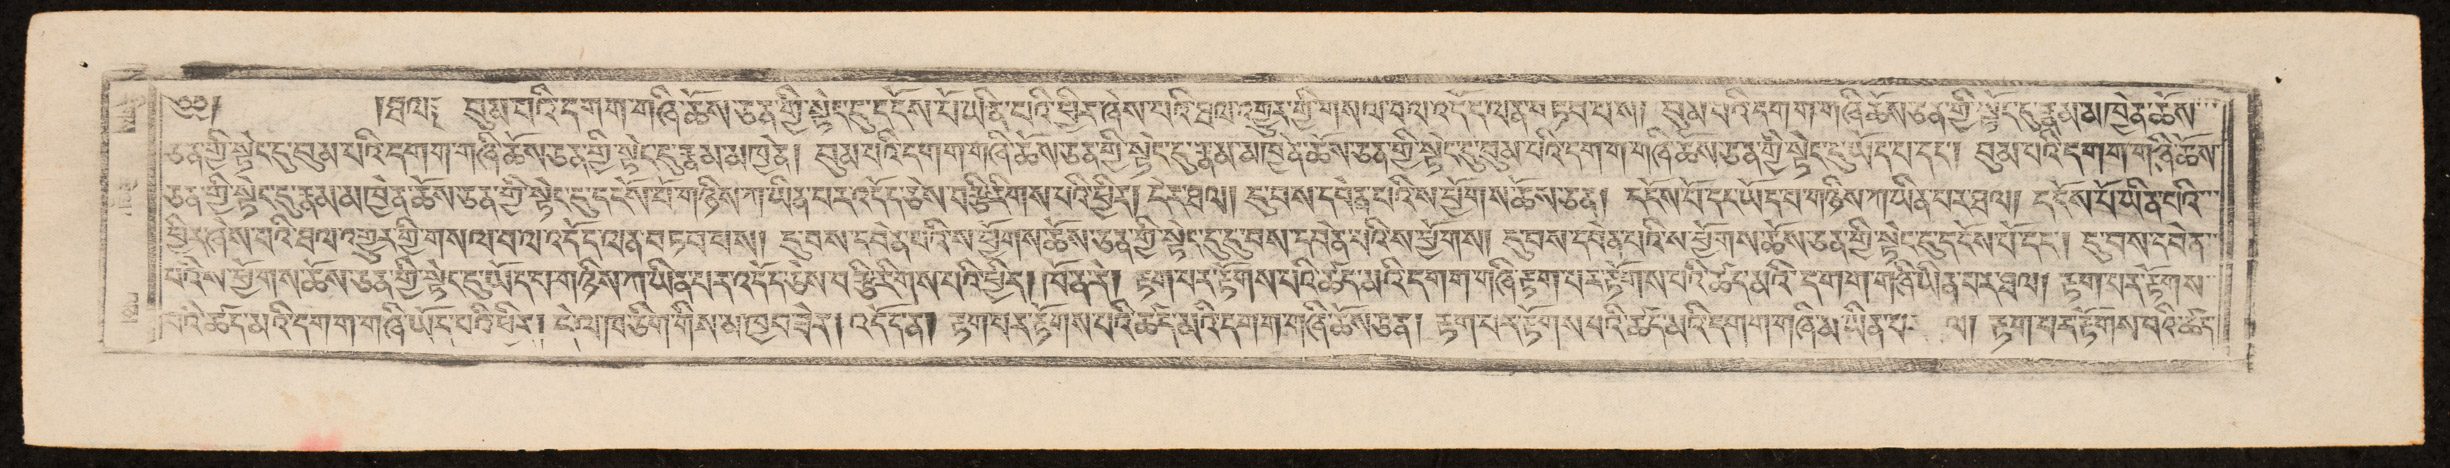༄༅། །ཐལ། བུམ་པའི་དགག་གཞི་ཆོས་ཅན་གྱི་སྟེང་དུ་དངོས་པོ་ཡིན་པའི་ཕྱིར་ཞེས་པའི་ཐལ་འགྱུར་གྱི་གསལ་བ་ལ་འདོད་ལན་བཏབ་པས། བུམ་པའི་དགག་གཞི་ཆོས་ཅན་གྱི་སྟེང་དུ་རྣམ་མཁྱེན་ཆོས་
ཅན་གྱི་སྟེང་དུ་བུམ་པའི་དགག་གཞི་ཆོས་ཅན་གྱི་སྟེང་དུ་རྣམ་མཁྱེན། བུམ་པའི་དགག་གཞི་ཆོས་ཅན་གྱི་སྟེང་དུ་རྣམ་མཁྱེན་ཆོས་ཅན་གྱི་སྟེང་དུ་བུམ་པའི་དགག་གཞི་ཆོས་ཅན་གྱི་སྟེང་དུ་ཡོད་པ་དང་། བུམ་པའི་དགག་གཞི་ཆོས་
ཅན་གྱི་སྟེང་དུ་རྣམ་མཁྱེན་ཆོས་ཅན་གྱི་སྟེང་དུ་དངོས་པོ་གཉིས་ཀ་ཡིན་པར་འདོད་ཅེས་བརྩི་རིགས་པའི་ཕྱིར། དེར་ཐལ། དུ་བས་དབེན་པའི་ས་ཕྱོགས་ཆོས་ཅན། དངོས་པོ་དང་ཡོད་པ་གཉིས་ཀ་ཡིན་པར་ཐལ། དངོས་པོ་ཡིན་པའི་
ཕྱིར་ཞེས་པའི་ཐལ་འགྱུར་གྱི་གསལ་བ་ལ་འདོད་ལན་བཏབ་པས། དུ་བས་དབེན་པའི་ས་ཕྱོགས་ཆོས་ཅན་གྱི་སྟེང་དུ་དུ་བས་དབེན་པའི་ས་ཕྱོགས། དུ་བས་དབེན་པའི་ས་ཕྱོགས་ཆོས་ཅན་གྱི་སྟེང་དུ་དངོས་པོ་དང་། དུ་བས་དབེན་
པའི་ས་ཕྱོགས་ཆོས་ཅན་གྱི་སྟེང་དུ་ཡོད་པ་གཉིས་ཀ་ཡིན་པར་འདོད་ཅེས་བརྩི་རིགས་པའི་ཕྱིར། ཁོ་ན་རེ། རྟག་པར་རྟོགས་པའི་ཚད་མའི་དགག་གཞི་རྟག་པར་རྟོགས་པའི་ཚད་མའི་དགག་གཞི་ཡིན་པར་ཐལ། རྟག་པར་རྟོགས་
པའི་ཚད་མའི་དགག་གཞི་ཡོད་པའི་ཕྱིར། དེ་ལ་ཁ་ཅིག་གིས་མ་ཁྱབ་ཟེར། འདོད་ན། རྟག་པར་རྟོགས་པའི་ཚད་མའི་དགག་གཞི་ཆོས་ཅན། རྟག་པར་རྟོགས་པའི་ཚད་མའི་དགག་གཞི་མ་ཡིན་པར་ཐལ། རྟག་པར་རྟོགས་པའི་ཚད་